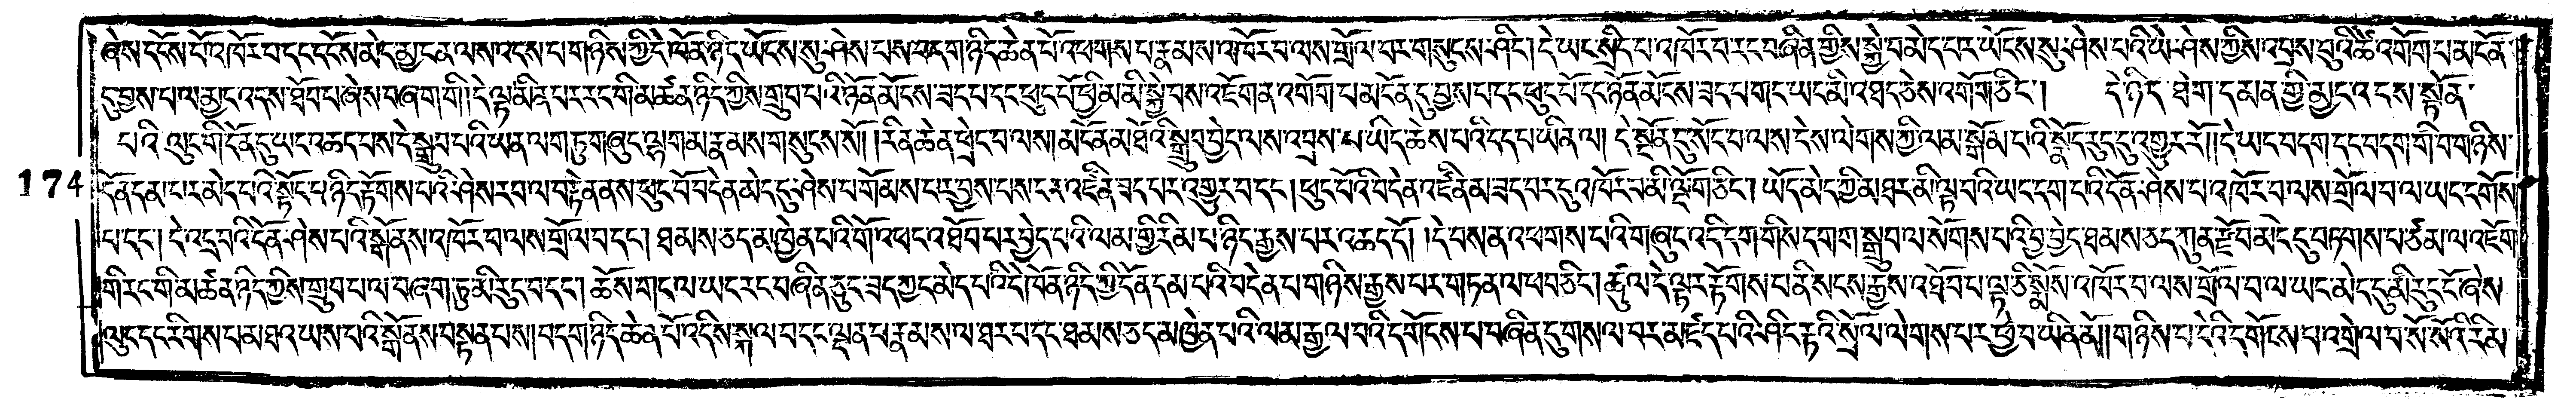ཞེས་དངོས་པོ་འཁོར་བ་དང་དངོས་མེད་མྱ་ངན་ལས་འདས་པ་གཉིས་ཀྱི་དེ་ཁོ་ན་ཉིད་ཡོངས་སུ་ཤེས་པས་བདག་ཉིད་ཆེན་པོ་འཕགས་པ་རྣམས་འཁོར་བ་ལས་གྲོལ་བར་གསུངས་ཤིང་། དེ་ཡང་སྲིད་པ་འཁོར་བ་རང་བཞིན་གྱིས་སྐྱེ་བ་མེད་པར་ཡོངས་སུ་ཤེས་པའི་ཡེ་ཤེས་ཀྱིས་འབྲས་བུའི་ཚེ་འགོག་པ་མངོན་
དུ་བྱས་པ་ལ་མྱང་འདས་ཐོབ་པ་ཞེས་བཞག་གི། དེ་ལྟ་མིན་པར་རང་གི་མཚན་ཉིད་ཀྱིས་གྲུབ་པའི་ཉོན་མོངས་ཟད་པ་དང་ཕུང་པོ་ཕྱི་མ་མི་སྐྱེ་བས་འཇོག་ན་འགོག་པ་མངོན་དུ་བྱས་པ་དང་ཕུང་པོ་དང་ཉོན་མོངས་ཟད་པ་གང་ཡང་མི་འཐད་ཅེས་འགོག་ཅིང་། དེ་ཉིད་ཐེག་དམན་གྱི་མྱང་འདས་སྟོན་
པའི་ལུང་གི་དོན་དུ་ཡང་འཆད་པས་དེ་སྒྲུབ་པའི་ཡན་ལག་ཏུ་གཞུང་ལྷག་མ་རྣམས་གསུངས་སོ། །རིན་ཆེན་ཕྲེང་བ་ལས། མངོན་མཐོའི་སྒྲུབ་བྱེད་ལས་འབྲས་ལ་ཡིད་ཆེས་པའི་དད་པ་ཡིན་ལ། དེ་སྔོན་དུ་སོང་བ་ལས་ངེས་ལེགས་ཀྱི་ལམ་སྒོམ་པའི་སྣོད་རུང་དུ་འགྱུར་རོ། །དེ་ཡང་བདག་དང་བདག་གི་བ་གཉིས་
དོན་དམ་པར་མེད་པའི་སྟོང་པ་ཉིད་རྟོགས་པའི་ཤེས་རབ་ལ་བརྟེན་ནས་ཕུང་བོ་བདེན་མེད་དུ་ཤེས་པ་གོམས་པར་བྱས་པས་ངར་འཛིན་ཟད་པར་འགྱུར་བ་དང་། ཕུང་པོའི་བདེན་འཛིན་མ་ཟད་པར་དུ་འཁོར་བ་མི་ལྡོག་ཅིང་། ཡོད་མེད་ཀྱི་མཐར་མི་ལྟ་བའི་ཡང་དག་པའི་དོན་ཤེས་པ་འཁོར་བ་ལས་གྲོལ་བ་ལ་ཡང་དགོས་
པ་དང་། དེ་འདྲ་བའི་དོན་ཤེས་པའི་སྒོ་ནས་འཁོར་བ་ལས་གྲོལ་བ་དང་། ཐམས་ཅད་མཁྱེན་པའི་གོ་འཕང་འཐོབ་པར་བྱེད་པའི་ལམ་གྱི་རིམ་པ་ཉིད་རྒྱས་པར་འཆད་དོ། །དེ་བས་ན་འཕགས་པའི་གཞུང་འདི་དག་གིས་དགག་སྒྲུབ་ལ་སོགས་པའི་བྱ་བྱེད་ཐམས་ཅད་ཀུན་རྫོབ་མེད་དུ་བཏགས་པ་ཙམ་ལ་འཇོག་
གི་རང་གི་མཚན་ཉིད་ཀྱིས་གྲུབ་པ་ལ་བཞག་ཏུ་མི་རུང་བ་དང་། ཆོས་གང་ལ་ཡང་རང་བཞིན་ཅུང་ཟད་ཀྱང་མེད་པའི་དེ་ཁོ་ན་ཉིད་ཀྱི་དོན་དམ་པའི་བདེན་པ་གཉིས་རྒྱས་པར་གཏན་ལ་ཕབ་ཅིང་། ཚུལ་དེ་ལྟར་རྟོགས་པ་ནི་སངས་རྒྱས་འཐོབ་པ་ལྟ་ཅི་སྨོས་འཁོར་བ་ལས་གྲོལ་བ་ལ་ཡང་མེད་དུ་མི་རུང་ངོ་ཞེས་
ལུང་དང་རིགས་པ་མཐའ་ཡས་པའི་སྒོ་ནས་བསྟན་པས། བདག་ཉིད་ཆེན་པོ་འདིས་སྐལ་བ་དང་ལྡན་པ་རྣམས་ལ་ཐར་པ་དང་ཐམས་ཅད་མཁྱེན་པའི་ལམ་རྒྱལ་བའི་དགོངས་པ་བཞིན་དུ་གསལ་བར་མཛད་པའི་ཤིང་རྟའི་སྲོལ་ལེགས་པར་ཕྱེ་བ་ཡིན་ནོ། །གཉིས་པ་དེའི་དགོངས་པ་འགྲེལ་བ་སོ་སོའི་རིམ་